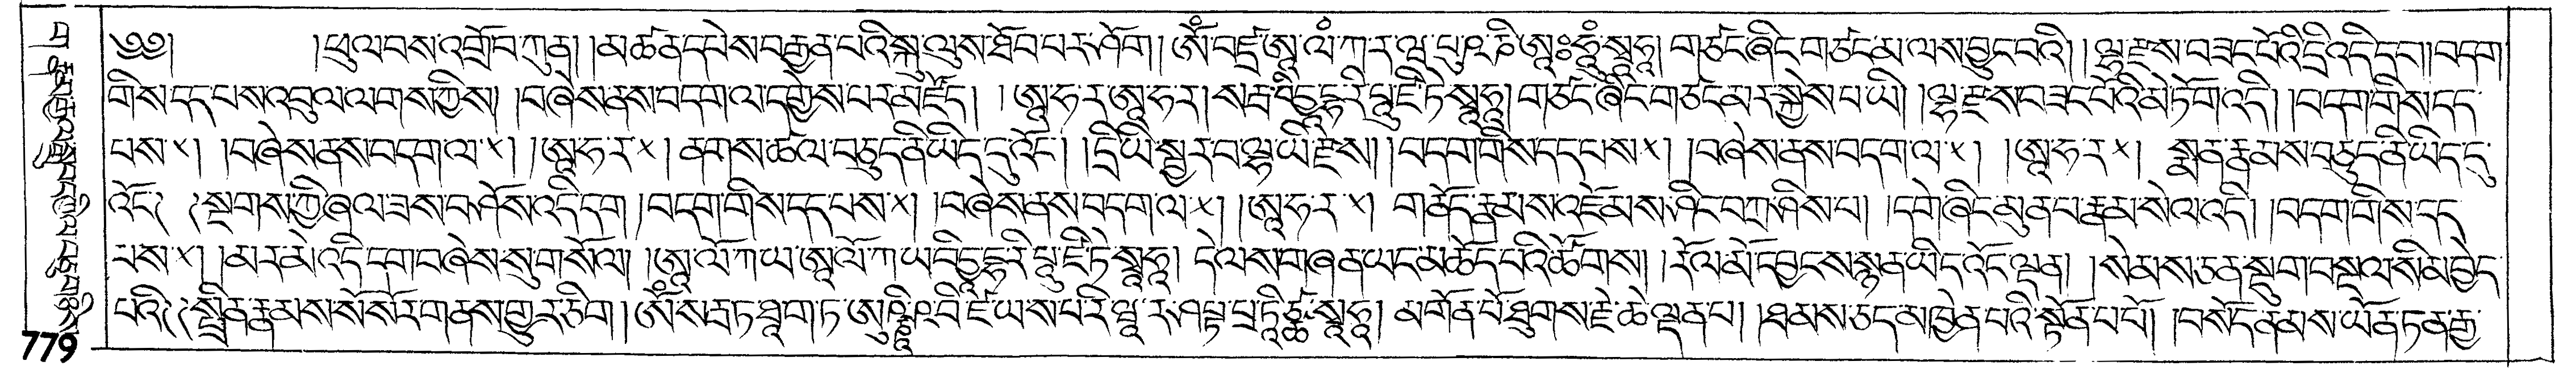༄༅། །ཕུལ་བས་འགྲོ་བ་ཀུན། །མཚན་དཔེས་བརྒྱན་པའི་སྐུ་ལུས་ཐོབ་པར་ཤོག །ཨོཾ་བཛྲ་ཨཱ་ལཾ་ཀ་ར་ཝ་པུ་ཥ་ཎི་ཨཱཿ ཧཱུཾ་སྭཱཧཱ། གཙང་ཞིང་གཙང་མ་ལས་བྱུང་བའི། །ལྷ་རྫས་བཟང་པོའི་དྲི་འདི་དང་། །བདག་
གིས་དད་པས་འབུལ་ལགས་ཀྱིས། །བཞེས་ནས་བདག་ལ་དགྱེས་པར་མཛོད། །ཨཱ་ཧ་ར་ཨཱ་ཧ་ར། སརྦ་བིདྱཱ་དྷ་རི་པཱུ་ཛི་ཏེ་སྭཱཧཱ། གཙང་ཞིང་གཙང་མར་སྐྱེས་པ་ཡི། །ལྷ་རྫས་བཟང་པོའི་མེ་ཏོག་འདི། །བདག་གིས་དད་
པས་྾། །བཞེས་ནས་བདག་ལ་྾། །ཨཱ་ཧ་ར་྾། ནགས་ཚལ་བཅུད་ནི་ཡིད་དུ་འོང་། །དྲི་ཡི་སྦྱར་བ་ལྷ་ཡི་རྫས། །བདག་གིས་དད་པས་྾། །བཞེས་ནས་བདག་ལ་྾། །ཨཱ་ཧ་ར་྾། སྨན་རྣམས་བཅུད་ནི་ཡིད་དུ་
འོང་། །སྔགས་ཀྱི་ཞལ་ཟས་བཤོས་འདི་དག །བདག་གིས་དད་པས་྾། །བཞེས་ནས་བདག་ལ་྾། །ཨཱ་ཧ་ར་྾། གནོད་རྣམས་འཇོམས་ཤིང་བཀྲ་ཤིས་པ། །དགེ་ཞིང་མུན་པ་རྣམ་སེལ་འདི། །བདག་གིས་དད་
པས་྾། །མར་མེ་འདི་དག་བཞེས་སུ་གསོལ། །ཨཱ་ལོ་ཀ་ཡ་ཨཱ་ལོ་ཀ་ཡ་བིདྱཱ་དྷ་རི་པཱུ་ཛི་ཏེ་སྭཱཧཱ། དེ་ལས་གཞན་ཡང་མཆོད་པའི་ཚོགས། །རོལ་མོ་དབྱངས་སྙན་ཡིད་འོང་ལྡན། །སེམས་ཅན་སྡུག་བསྔལ་སིམ་བྱེ་
པའི། །སྤྲིན་རྣམས་སོ་སོར་གནས་གྱུར་ཅིག །ཨོཾ་སརྦ་ཏ་ཐཱ་ག་ཏ་ཨུཥྞཱི་ཥ་བི་ཛ་ཡ་ས་པ་རི་ཝཱ་ར་ཤཔྟ་པྲ་ཏཱི་ཙྪ་སྭཱཧཱ། མགོན་པོ་ཐུགས་རྗེ་ཆེ་ལྡན་པ། །ཐམས་ཅད་མཁྱེན་པའི་སྟོན་པ་པོ། །བསོད་ནམས་ཡོན་ཏན་རྒྱ་